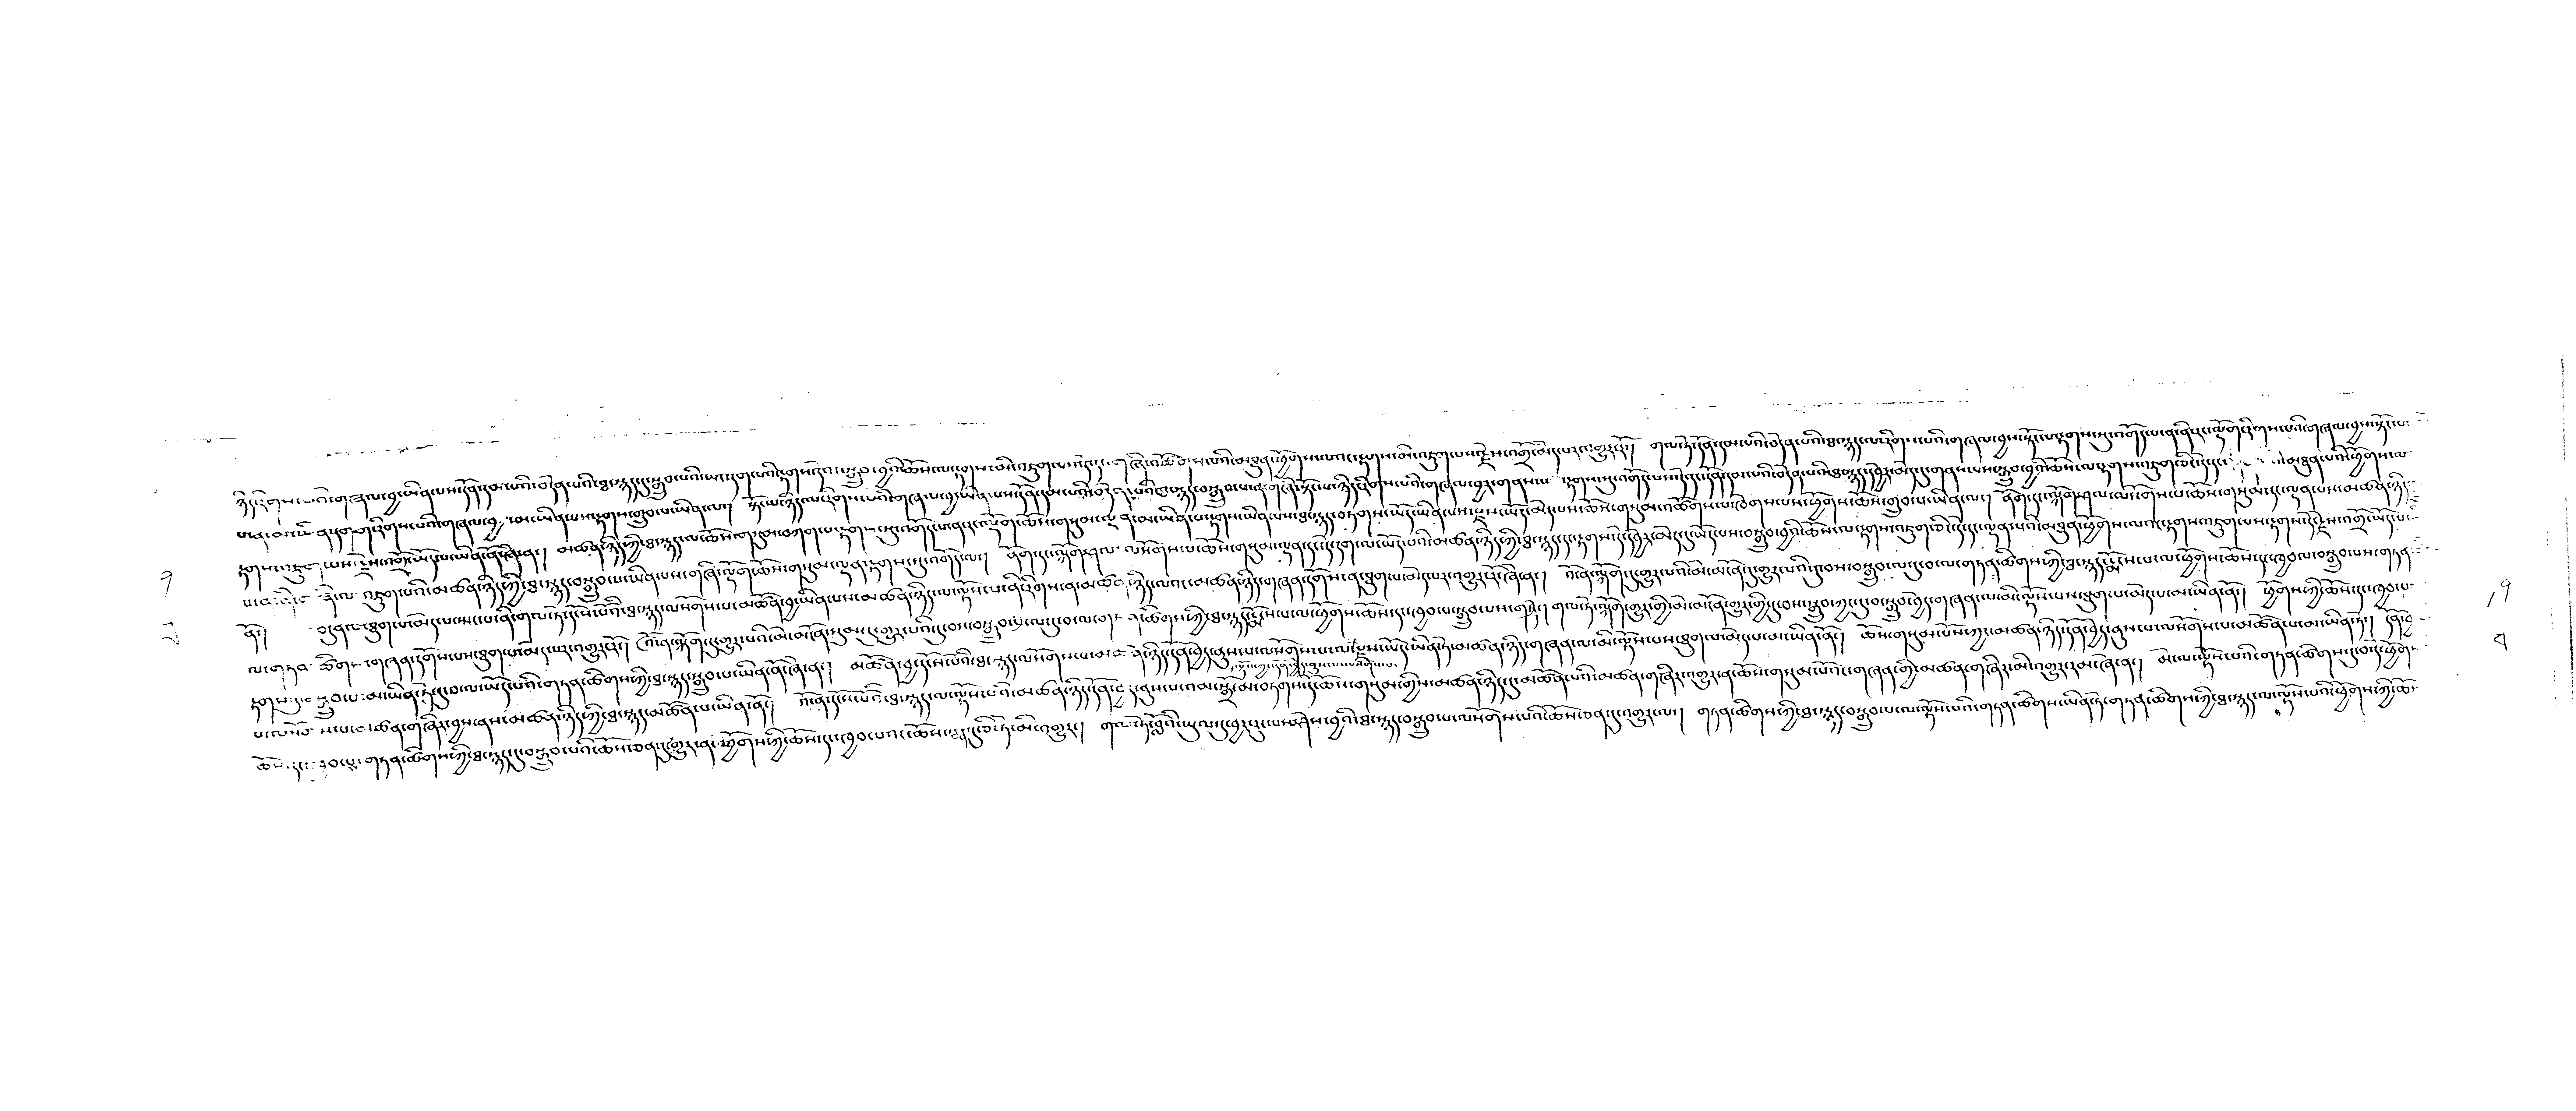ཉིད་རིགས་པའི་གཞལ་བྱ་ཡིན་པས་དོན་དམ་པའི་བདེན་པའི་ཐ་སྙད་དུ་སྒྲུབ་པའི་ཡང་དག་པའི་རྟགས་དེའང་སྒྲུབ་བྱའི་ཆོས་ལ་རྟགས་མི་འཇུག་པ་འདི་དང་གཞི་འཚོགས་པའི་མཐུན་ཕྱོགས་ལའང་རྟགས་མི་འཇུག་པས་རྗེས་འགྲོ་མེད་པར་འགྱུར་རོ། གལ་ཏེ་དོན་དམ་པའི་བདེན་པའི་ཐ་སྙད་ལ་རིགས་པའི་གཞལ་བྱས་སྟོང་པ་རྟགས་སུ་འགོད་པ་ན་ནི་རང་ལྡོག་རིགས་པའི་གཞལ་བྱས་སྟོང་པ་
པ་ན་མ་ཡིན་དགག་རིགས་པའི་གཞལ་བྱ་མ་ཡིན་པས་རྟགས་གྲུབ་པ་ཡིན་ལ། སྟོང་པ་ཉིད་ལ་རིགས་པའི་གཞལ་བྱ་ཡིན་པས་དོན་དམ་པའི་བདེན་པའི་ཐ་སྙད་བསྒྲུབ་པ་ན་གཞི་སྟོང་པ་ཉིད་རིགས་པའི་གཞལ་བྱར་གནས་པ་རྟགས་སུ་འགོད་པས་དེ་དང་དོན་དམ་པའི་བདེན་པའི་ཐ་སྙད་དབྱེར་མེད་དུ་གནས་པས་སྒྲུབ་བྱའི་ཆོས་ལ་རྟགས་འཇུག་ཅིང་དེ་དང་ལྡན་པའི་མཐུན་པའི་ཕྱོགས་ལ་
རྟགས་འཇུག་པས་རྗེས་འགྲོ་ཡོད་པ་ཡིན་ནོ་ཞེ་ན། མཚན་ཉིད་ཀྱི་ཐ་སྙད་ལ་ཆོས་གསུམ་བཀག་པ་རྟགས་སུ་འགོད་པ་ན་རང་ལྡོག་ཆོས་གསུམ་ལྡན་མ་ཡིན་པ་རྟགས་ཡིན་པས་ཐ་སྙད་བཏགས་ཡོད་ཡིན་པས་རྫས་ཡོད་མེད་པས་ཆོས་གསུམ་འཚོགས་པ་ཁེགས་པས་ཕྱོགས་ཆོས་གྲུབ་པ་ཡིན་ལ། ནོག་དང་ལྐོག་ཤལ་ལ་སོགས་པ་ཆོས་གསུམ་དང་ལྡན་པས་མཚན་ཉིད་
པ་ན་ནི་གཞི་ལ་འཇུག་པའི་མཚན་ཉིད་ཀྱི་ཐ་སྙད་བསྒྲུབ་པ་ཡིན་པས་གཞི་ལྡོག་ཆོས་གསུམ་ལྡན་རྟགས་སུ་འགོད་ལ། ནོག་དང་ལྐོག་ཤལ་ལ་སོགས་པ་ཆོས་གསུམ་ལྡན་དང་དེ་དག་ལ་ཡོད་པའི་མཚན་ཉིད་ཀྱི་ཐ་སྙད་དང་རྟགས་དེ་དབྱེར་མེད་དུ་ཡོད་པས་བསྒྲུབ་བྱའི་ཆོས་ལ་རྟགས་འཇུག་ཅིང་དེ་དང་ལྡན་པའི་མཐུན་ཕྱོགས་ལའང་རྟགས་འཇུག་པས་རྟགས་དེ་རྗེས་འགྲོ་ཡོད་པ་ཡིན་
ནོ། བདུན་པ་ཐུག་པ་མེད་པ་སྤང་པ་ནི་གལ་ཏེ་དངོས་པོའི་ཐ་སྙད་ལ་སོགས་པ་མཚོན་བྱ་ཡིན་པས་མཚན་ཉིད་ལ་ལྟོས་པ་ནི་རིགས་ན་མཚན་ཉིད་ལའང་མཚན་ཉིད་གཞན་དགོས་ན་ཐུག་པ་མེད་པར་འགྱུར་རོ་ཞེ་ན། འོ་ན་ལྐོག་དུ་གྱུར་པའི་མེ་མངོན་དུ་གྱུར་པའི་དུ་བས་བསྒྲུབ་ལ་དུ་བ་ལ་གཏན་ཚིགས་ཀྱི་ཐ་སྙད་རྨོངས་པ་ལ་ཕྱོགས་ཆོས་དང་ཁྱབ་པ་བསྒྲུབ་པས་གཏན་ཚིགས་
ལ་གཏན་ཚིགས་གཞན་དགོས་པས་ཐུག་པ་མེད་པར་འགྱུར་རོ། འོ་ན་ལྐོག་དུ་གྱུར་པའི་མེ་མངོན་སུམ་དུ་གྱུར་པའི་དུ་བས་བསྒྲུབ་པ་ལ་དུ་བ་ལ་གཏན་ཚིགས་ཀྱི་ཐ་སྙད་རྨོངས་པ་ལ་ཕྱོགས་ཆོས་དང་ཁྱབ་པ་སྒྲུབ་པས་གཏན་ཚིག?། གལ་ཏེ་ལྐོག་གྱུར་གྱི་མེ་མངོན་གྱུར་གྱི་དུ་བས་སྒྲུབ་ཀྱང་དུ་བ་སྒྲུབ་བྱེད་གཞན་ལ་མི་ལྟོས་པས་ཐུག་པ་མེད་པ་མ་ཡིན་ནོ། ཕྱོགས་ཀྱི་ཆོས་དང་ཁྱབ་པ་
རྟགས་དུ་བསྒྲུབ་པ་མ་ཡིན་ཏེ་དུ་བ་ལ་ཡོད་པའི་གཏན་ཚིགས་ཀྱི་ཐ་སྙད་སྒྲུབ་པ་ཡིན་ནོ་ཞེ་ན། མཚོན་བྱ་དངོས་པོའི་ཐ་སྙད་ལ་སོགས་པ་མཚན་ཉིད་དོན་བྱེད་ནུས་པ་ལ་སོགས་པ་ལ་ལྟོས་ཀྱང་དོན་བྱེད་ནུས་པ་ལ་སོགས་པ་རྫས་ཡོད་ཡིན་ཏེ་མཚན་ཉིད་གཞན་ལ་མི་ལྟོས་པས་ཐུག་པ་མེད་པ་མ་ཡིན་ནོ། ཆོས་གསུམ་པོས་ཀྱང་མཚན་ཉིད་དོན་བྱེད་ནུས་པ་ལ་སོགས་པ་མཚོན་པ་མ་ཡིན་ཏེ། དོན་བྱེད་ནུས་
པ་ལ་སོགས་པ་མཚན་གཞིར་བྱས་ནས་མཚན་ཉིད་ཀྱི་ཐ་སྙད་མཚོན་པ་ཡིན་ནོ། འོ་ན་དངོས་པོའི་ཐ་སྙད་ལ་ལྟོས་པའི་མཚན་ཉིད་དོན་བྱད་ནུས་པ་འམ་སྒྲོ་མ་བཏགས་དེ་ཆོས་གསུམ་གྱིས་མཚན་ཉིད་དུ་མཚོན་པའི་མཚན་གཞིར་འགྱུར་ན་ཆོས་གསུམ་པོའང་གཞན་གྱི་མཚན་གཞིར་མི་འགྱུར་རམ་ཞེ་ན། མེ་ལ་ལྟོས་པའི་གཏན་ཚིགས་དུ་བ་དེ་ཕྱོགས་
ཆོས་དང་ཁྱབ་པས་གཏན་ཚིགས་ཀྱི་ཐ་སྙད་དུ་བསྒྲུབ་པའི་ཆོས་ཅན་དུ་གྱུར་ན་ཕྱོགས་ཀྱི་ཆོས་དང་ཁྱབ་པའང་ཆོས་ཅན་དུ་ཅི་ཏེ་མི་འགྱུར། གལ་ཏེ་བློའི་ཡུལ་དུ་བྱར་རུང་པས་ཤེས་བྱའི་ཐ་སྙད་བསྒྲུབ་པ་ལ་སོགས་པའི་ཆོས་ཅན་དུ་འགྱུར་ལ། གཏན་ཚིགས་ཀྱི་ཐ་སྙད་བསྒྲུབ་པ་ལ་ལྟོས་པའི་གཏན་ཚིགས་ཡིན་ཏེ་གཏན་ཚིགས་ཀྱི་ཐ་སྙད་ལ་ལྟོས་པའི་ཕྱོགས་ཀྱི་ཆོས་